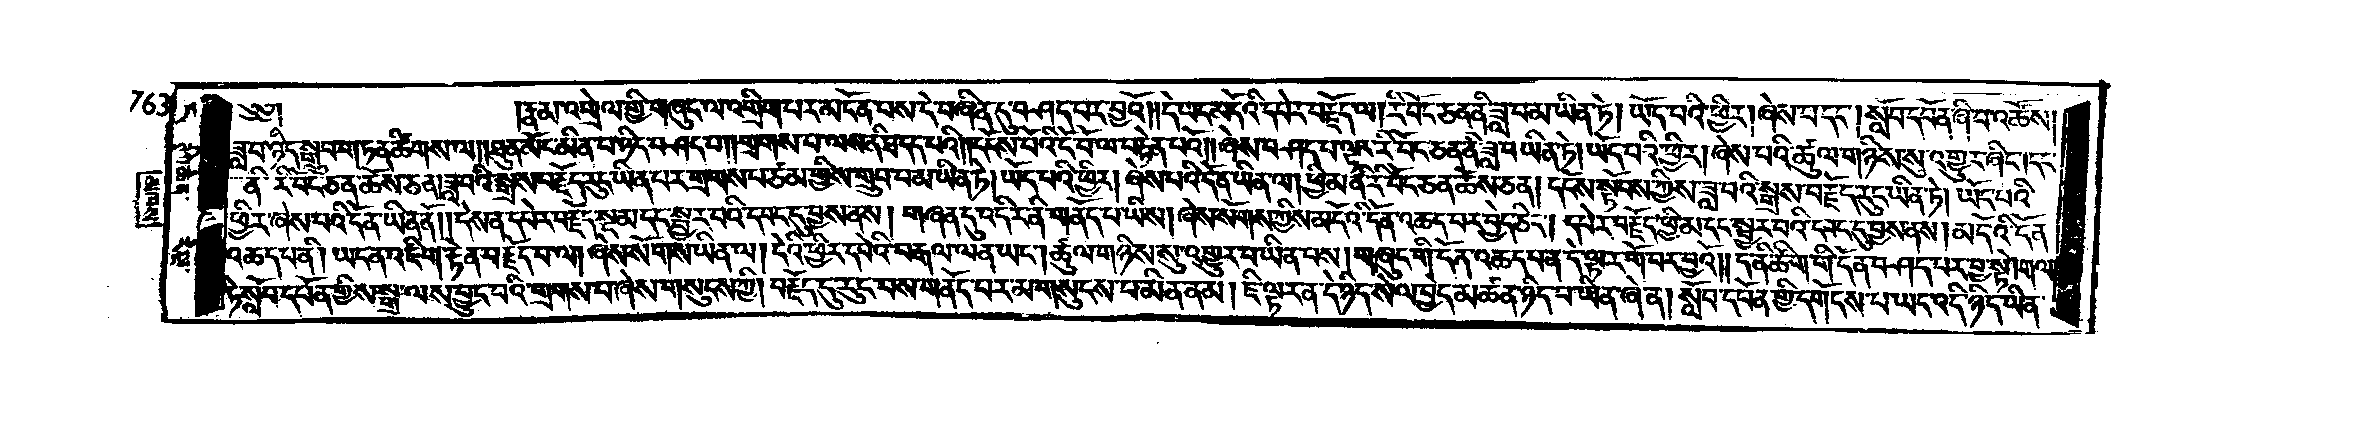༄༅། །རྣམ་འགྲེལ་གྱི་གཞུང་ལ་འགྲིག་པར་མངོན་པས་དེ་བཞིན་དུ་བཤད་པར་བྱའོ། །དེ་ཡང་མདོའི་དཔེར་བརྗོད་ལ། རི་བོང་ཅན་ནི་ཟླ་བ་མ་ཡིན་ཏེ། ཡོད་པའི་ཕྱིར། ཞེས་པ་དང་། སློབ་དཔོན་ཞི་བ་འཚོས་
ཟླ་བ་ཉིད་སྒྲུབ་གཏན་ཚིགས་ལ། །ཐུན་མོང་མིན་པ་ཉིད་བཤད་པ། །གྲགས་པ་ལས་ནི་ཐ་དད་པའི། །དངོས་པོའི་ངོ་བོ་ལ་བརྟེན་པའོ། །ཞེས་བཤད་པ་ལྟར་རི་བོང་ཅན་ནི་ཟླ་བ་ཡིན་ཏེ། ཡོད་པའི་ཕྱིར། ཞེས་པའི་ཚུལ་གཉིས་སུ་འགྱུར་ཞིང་། དང་
ནི་རི་བོང་ཅན་ཆོས་ཅན། ཟླ་བའི་སྒྲས་བརྗོད་རུང་ཡིན་པར་གྲགས་པ་ཙམ་གྱིས་གྲུབ་པ་མ་ཡིན་ཏེ། ཡོད་པའི་ཕྱིར། ཞེས་པའི་དོན་ཡིན་ལ། ཕྱི་མ་ནི་རི་བོང་ཅན་ཆོས་ཅན། དངོས་སྟོབས་ཀྱིས་ཟླ་བའི་སྒྲས་བརྗོད་རུང་ཡིན་ཏེ། ཡོད་པའི་
ཕྱིར་ཞེས་པའི་དོན་ཡིན་ནོ། །དེས་ན་དཔེར་བརྗོད་སྔ་མ་དང་སྦྱར་བའི་དབང་དུ་བྱས་ནས། གཞན་དུ་འདིར་ནི་གནོད་པ་ཡིས། ཞེས་སོགས་ཀྱིས་མདོའི་དོན་འཆད་པར་བྱེད་ཅིང་། དཔེར་བརྗོད་ཕྱི་མ་དང་སྦྱར་བའི་དབང་དུ་བྱས་ནས། མདོའི་དོན་
འཆད་པ་ནི། ཡང་ན་འཇིག་རྟེན་བརྗོད་པ་ལ། ཞེས་སོགས་ཡིན་ལ། དེའི་ཕྱིར་དཔེའི་བརྒལ་ལན་ཡང་། ཚུལ་གཉིས་སུ་འགྱུར་བ་ཡིན་པས། གཞུང་གི་དོན་འཆད་པ་ན་དེ་ལྟར་གོ་བར་བྱའོ། །ད་ནི་ཚིག་གི་དོན་བཤད་པར་བྱ་སྟེ། གལ་
ཏེ་སློབ་དཔོན་གྱིས་སྒྲ་ལས་བྱུང་བའི་གྲགས་པ་ཞེས་གསུངས་ཀྱི། བརྗོད་དུ་རུང་བས་གནོད་པར་མ་གསུངས་པ་མིན་ནམ། ཇི་ལྟར་ན་དེ་ཉིད་སེལ་བྱེད་མཚན་ཉིད་པ་ཡིན་ཞེ་ན། སློབ་དཔོན་གྱི་དགོངས་པ་ཡང་འདི་ཉིད་ཡིན་